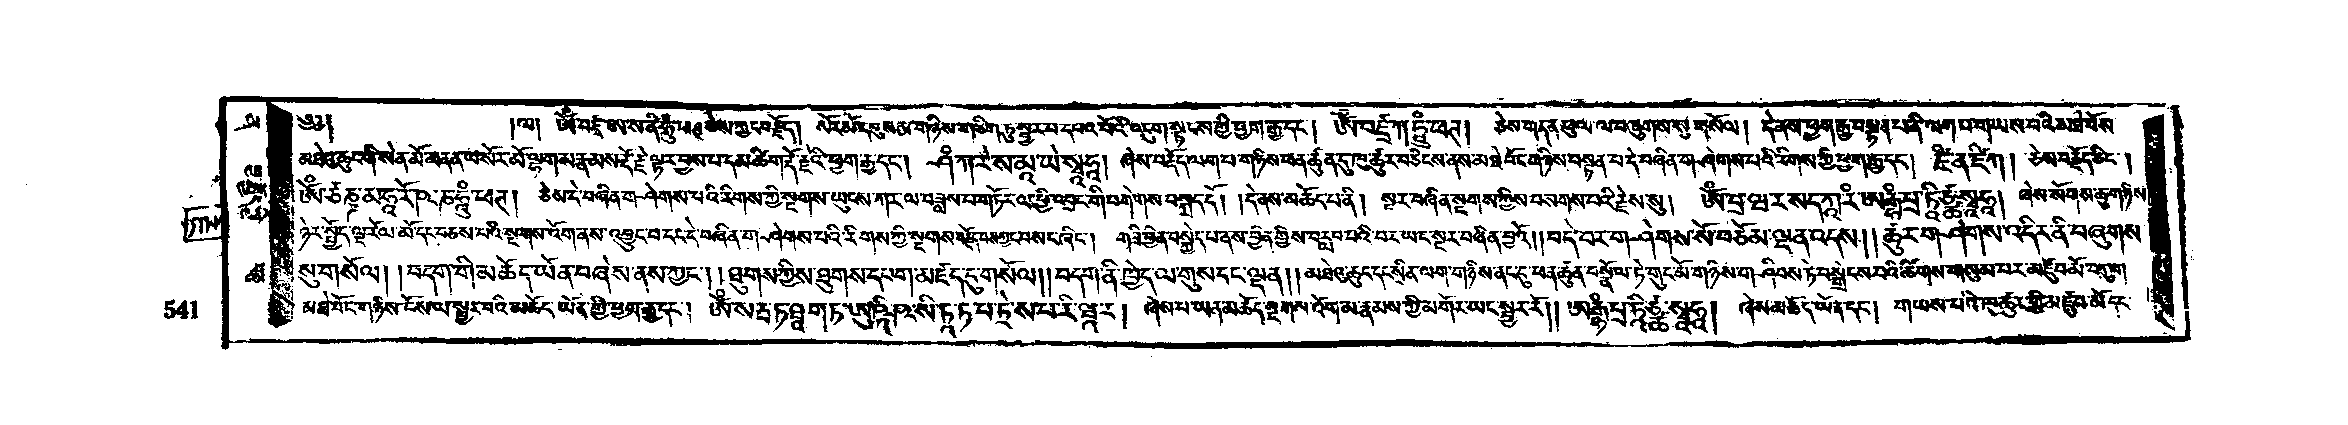༄༅། །ལ། ཨོཾ་བཛྲ་ཨ་ས་ནི་ཧཱུཾ་ཕཊ་ཅེས་ཀྱང་བརྗོད། སོར་མོ་དབུས་མ་གཉིས་གཉིས་ཏུ་སྦྱར་བ་དཔའ་བོའི་འདུག་སྟངས་ཀྱི་ཕྱག་རྒྱ་དང་། ཨོཾ་བཛྲ་ཀ་ཧཱུཾ་ཕཊ། ཅེས་གདན་ཕུལ་བཞུགས་སུ་གསོལ། དེ་ནས་ཕྱག་རྒྱ་བསྟན་པ་ནི་ལག་པ་གཡས་པའི་མཐེ་བོས་
མཐེའུ་ཆུང་གི་སེན་མོ་མནན་ལ་སོར་མོ་ལྷག་མ་རྣམས་རྡོ་རྗེ་ལྟར་བྱས་པ་དམ་ཚིག་རྡོ་རྗེའི་ཕྱག་རྒྱ་དང་། ཤཾ་ཀ་རེ་ས་མཱ་ཡེ་སྭཱ་ཧཱ། ཞེས་བརྗོད་ལག་པ་གཉིས་ཕན་ཚུན་དུ་ཁུ་ཚུར་བཅིངས་ནས་མཐེ་བོང་གཉིས་བསྟན་པ་དེ་བཞིན་གཤེགས་པའི་རིགས་ཀྱི་ཕྱག་རྒྱ་དང་།  ཛི་ན་ཛི་ཀ། ཅེས་བརྗོད་ཅིང་།
ཨོཾ་ཙཎྜ་མཧཱ་རོ་ཥ་ཎ་ཧཱུཾ་ཕཊ། ཅེས་དེ་བཞིན་གཤེགས་པའི་རིགས་ཀྱི་སྔགས་ཡུངས་ཀར་ལ་བཟླས་པ་གཏོར་ལ་ཕྱི་འབྲང་གི་བགེགས་བསྐྲད་དོ། །དེ་ནས་མཆོད་པ་ནི། སྔར་བཞིན་སྔགས་ཀྱིས་བསངས་པའི་རྗེས་སུ།  ཨོཾ་པྲ་ཝ་ར་སད་ཀཱ་རཾ་ཨརྒྷཾ་པྲ་ཏཱི་ཙྪ་སྭཱ་ཧཱ། ཞེས་སོགས་ཆུ་གཉིས་
ཉེར་སྤྱོད་ལྔ་རོལ་མོ་དང་བཅས་པའི་སྔགས་འོག་ནས་འབྱུང་བ་དང་དེ་བཞིན་གཤེགས་པའི་རིགས་ཀྱི་སྔགས་བརྗོད་པས་ཀྱང་བསང་ཞིང་། གཟི་བྱིན་བསྐྱེད་པ་ནས་བྱིན་གྱིས་བརླབ་པའི་བར་ཡང་སྔར་བཞིན་བྱའོ། །བདེ་བར་གཤེགས་སོ་བཅོམ་ལྡན་འདས། །ཚུར་གཤེགས་འདིར་ནི་བཞུགས་
སུ་གསོལ། །བདག་གི་མཆོད་ཡོན་བཞེས་ནས་ཀྱང་། །ཐུགས་ཀྱིས་ཐུགས་དཔག་མཛད་དུ་གསོལ། །བདག་ནི་ཁྱེད་ལ་གུས་དང་ལྡན། །མཐཱུ་ཆུང་དང་སྲིན་ལག་གཉིས་ནང་དུ་ཕན་ཚུན་བསྣོན་ཏེ་གུང་མོ་གཉིས་གཤིབས་ཏེ་བསྒྲེངས་པའི་ཚིགས་གསུམ་པར་མཛུབ་མོ་བཀུག་
མཐེ་བོང་གཉིས་ངོས་ལ་སྦྱར་བའི་མཆོད་ཡོན་གྱི་ཕྱག་རྒྱ་དང་། ཨོཾ་སརྦ་ཏ་ཐཱ་ག་ཏ་ཨུཥྣཱི་ཥ་སི་ཏཱ་ཏ་པ་ཏྲེ་ས་པ་རི་ཝཱ་ར། ཞེས་པ་ཡན་མཆོད་སྔགས་འོག་མ་རྣམས་ཀྱི་མགོར་ཡང་སྦྱར་རོ།  །ཨརྒྷཾ་པྲ་ཊཱི་ཙྪ་སྭཱ་ཧཱ། ཞེས་མཆོད་ཡོན་དང་། གཡས་པའི་ཁུ་ཚུར་གྱི་མཛུབ་མོ་དང་